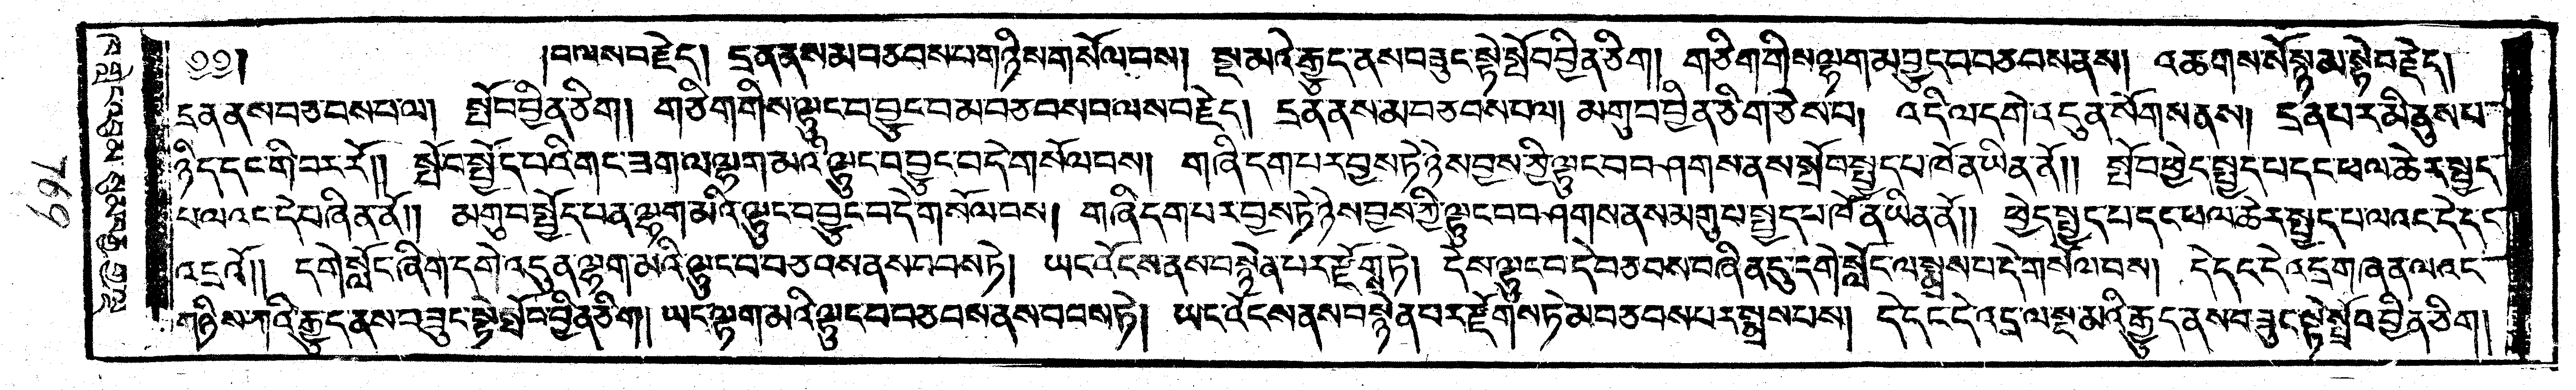༄༅། །བ་ལས་བརྗེད། དྲན་ནས་མ་བཅབས་པ་གཉིས་གསོལ་བས། སྔ་མའི་རྒྱུད་ནས་བཟུང་སྟེ་སྤོ་བ་བྱིན་ཅིག། གཅིག་གིས་ལྷག་མ་བྱུང་བ་བཅབས་ནས། འཆགས་སོ་སྙམ་སྟེ་བརྗེད།
དྲན་ནས་བཅབས་པ་ལ། སྤོ་བ་བྱིན་ཅིག། གཅིག་གིས་ལྟུང་བ་བྱུང་བ་མ་བཅབས་པ་ལས་བརྗེད། དྲན་ནས་མ་བཅབས་པ་ལ། མགུ་བ་བྱིན་ཅིག་ཅེས་པ། འདི་ལ་དགེ་འདུན་སོགས་ནས། དྲན་པར་མི་ནུས་པ་
ཉིད་དང་གི་བར་རོ།། སྤོ་བ་སྤྱོད་པའི་གང་ཟག་ལ་ལྷག་མའི་ལྟུང་བ་བྱུང་བ་དེ་གསོལ་བས། གཞི་དག་པར་བྱས་ཏེ་ཉེས་བྱས་ཀྱི་ལྟུང་བ་བཤགས་ནས་སྤོ་བ་སྤྱད་པ་ཁོ་ན་ཡིན་ནོ།། སྤོ་བ་ཕྱེད་སྤྱད་པ་དང་ཕལ་ཆེར་སྤྱད་
པ་ལའང་དེ་བཞིན་ནོ།། མགུ་བ་སྤྱོད་པ་ན་ལྷག་མའི་ལྟུང་བ་བྱུང་བ་དེ་གསོལ་བས། གཞི་དག་པར་བྱས་ཏེ་ཉེས་བྱས་ཀྱི་ལྟུང་བ་བཤགས་ནས་མགུ་བ་སྤྱད་པ་ཁོ་ན་ཡིན་ནོ།། ཕྱེད་སྤྱད་པ་དང་ཕལ་ཆེར་སྤྱད་པ་ལའང་དེ་དང་
འདྲའོ།། དགེ་སློང་ཞིག་དགེ་འདུན་ལྷག་མའི་ལྟུང་བ་བཅབས་ནས་བབས་ཏེ། ཡང་འོངས་ནས་བསྙེན་པར་རྫོགས་ཏེ། དེས་ལྟུང་བ་དེ་བཅབས་བཞིན་དུ་དགེ་སློང་ལ་སྨྲས་པ་དེ་གསོལ་བས། དེ་དང་དེ་འདྲ་གཞན་ལའང་
གཉིས་ཀའི་རྒྱུད་ནས་བཟུང་སྟེ་སྤོ་བ་བྱིན་ཅིག། ཡང་ལྷག་མའི་ལྟུང་བ་བཅབས་ནས་བབས་ཏེ། ཡང་འོངས་ནས་བསྙེན་པར་རྫོགས་ཏེ་མ་བཅབས་པར་སྨྲས་པས། དེ་དང་དེ་འདྲ་ལ་སྔ་མའི་རྒྱུད་ནས་བཟུང་སྟེ་སྤྲོ་བ་བྱིན་ཅིག།